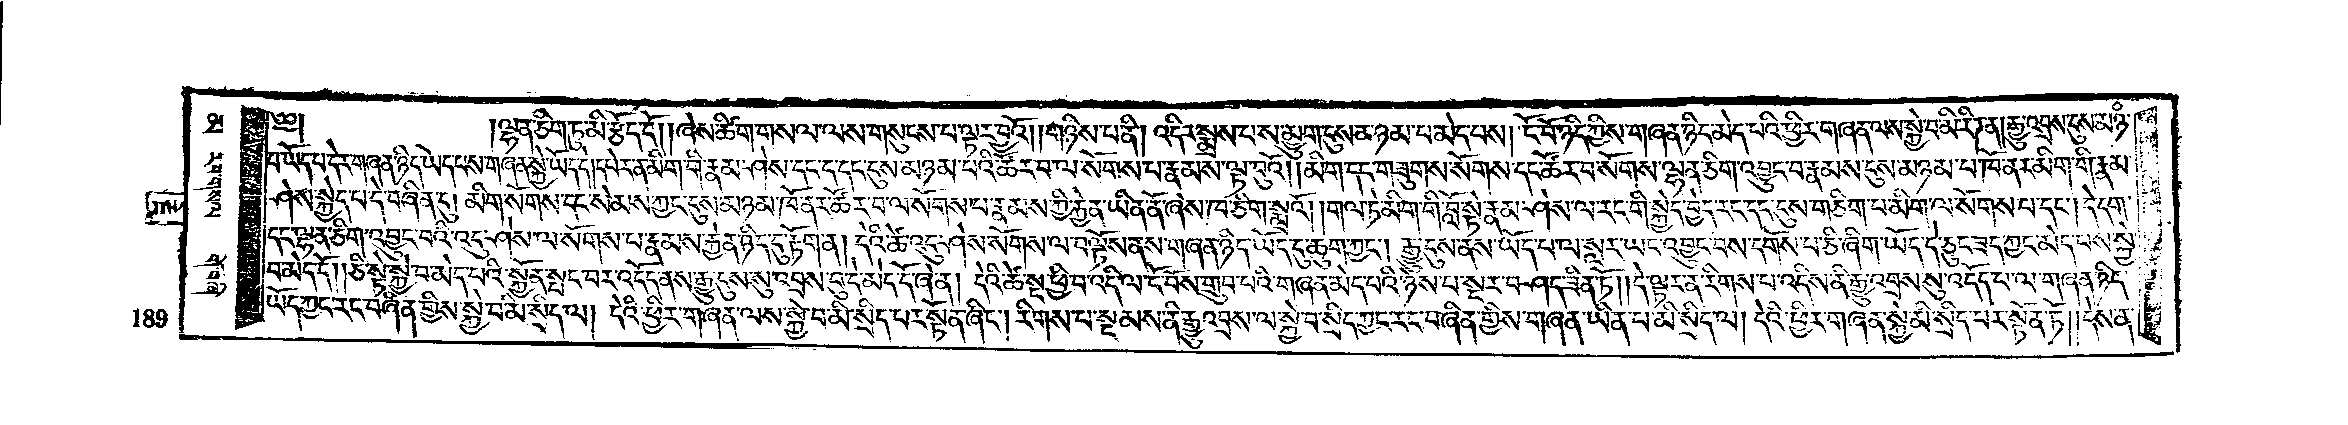༄༅། །ལྷན་ཅིག་ཏུ་མི་རྩོད་དོ། །ཞེས་ཚིག་གསལ་ལས་གསུངས་པ་ལྟར་བྱའོ། །གཉིས་པ་ནི། འདིར་སྨྲས་པ་ས་མྱུག་དུས་མཉམ་པ་མེད་པས། ངོ་བོ་ཉིད་ཀྱིས་གཞན་ཉིད་མེད་པའི་ཕྱིར་གཞན་ལས་སྐྱེ་བ་མི་རིགས་ན། རྒྱུ་འབྲས་དུས་མཉམ་
པ་ཡོད་པ་དེར་གཞན་ཉིད་ཡོད་པས་གཞན་སྐྱེ་ཡོད་དེ། དཔེར་ན་མིག་གི་རྣམ་ཤེས་དང་དེ་དང་དུས་མཉམ་པའི་ཚོར་བ་ལ་སོགས་པ་རྣམས་ལྟ་བུའོ། །མིག་དང་གཟུགས་སོགས་དང་ཚོར་བ་སོགས་ལྷན་ཅིག་འབྱུང་བ་རྣམས་དུས་མཉམ་པ་ཁོ་ནར་མིག་གི་རྣམ་
ཤེས་སྐྱེད་པ་དེ་བཞིན་དུ། མིག་སོགས་དང་སེམས་ཀྱང་དུས་མཉམ་ཁོ་ནར་ཚོར་བ་ལ་སོགས་པ་རྣམས་ཀྱི་རྐྱེན་ཡིན་ནོ་ཞེས་ཁ་ཅིག་སྨྲའོ། །གལ་ཏེ་མིག་གི་བློ་སྟེ་རྣམ་ཤེས་ལ་རང་གི་སྐྱེད་བྱེད་རང་དང་དུས་གཅིག་པ་མིག་ལ་སོགས་པ་དང་། དེ་དག་
དང་ལྷན་ཅིག་འབྱུང་བའི་འདུ་ཤེས་ལ་སོགས་པ་རྣམས་རྐྱེན་ཉིད་དུ་རྟོག་ན། དེའི་ཚེ་འདུ་ཤེས་སོགས་ལ་བལྟོས་ནས་གཞན་ཉིད་ཡོད་དུ་ཆུག་ཀྱང་། རྒྱུ་དུས་ནས་ཡོད་པ་ལ་སླར་ཡང་འབྱུང་བས་དགོས་པ་ཅི་ཞིག་ཡོད་དེ་ཅུང་ཟད་ཀྱང་མེད་པས་སྐྱེ་
བ་མེད་དོ། །ཅི་སྟེ་སྐྱེ་བ་མེད་པའི་སྐྱོན་སྤང་བར་འདོད་ནས་རྒྱུ་དུས་སུ་འབྲས་བུ་དེ་མེད་དོ་ཞེ་ན། དེའི་ཚེ་སྔ་ཕྱི་བ་འདི་ལ་ངོ་བོས་གྲུབ་པའི་གཞན་མེད་པའི་ཉེས་པ་སྔར་བཤད་ཟིན་ཏོ། །དེ་ལྟར་ན་རིགས་པ་འདིས་ནི་རྒྱུ་འབྲས་སུ་འདོད་པ་ལ་གཞན་ཉིད་
ཡོད་ཀྱང་རང་བཞིན་གྱིས་སྐྱེ་བ་མི་སྲིད་ལ། དེའི་ཕྱིར་གཞན་ལས་སྐྱེ་བ་མི་སྲིད་པར་སྟོན་ཞིང་། རིགས་པ་སྔ་མས་ནི་རྒྱུ་འབྲས་ལ་སྐྱེ་བ་སྲིད་ཀྱང་རང་བཞིན་གྱིས་གཞན་ཡིན་པ་མི་སྲིད་ལ། དེའི་ཕྱིར་གཞན་སྐྱེ་མི་སྲིད་པར་སྟོན་ཏོ། །དེས་ན་